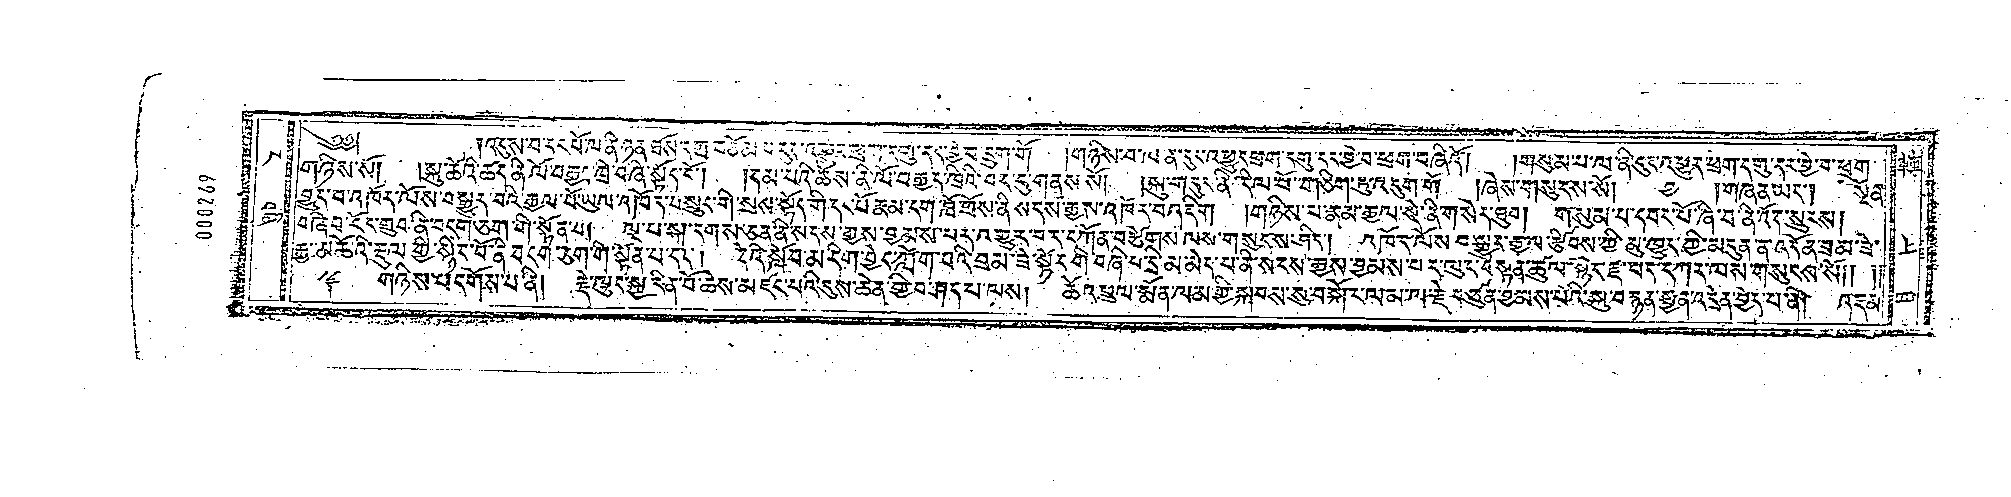༄༅། །འདུས་བ་དང་པོ་ལ་ནི་ཉན་ཐོས་དགྲ་བཅོམ་པ་དུད་འཕྱུང་ཕྲག་དགུ་དང་བྱེ་བ་དྲུག་གོ །གཉིས་པ་ལན་དུང་འཕྱུང་ཕྲག་དགུ་དང་བྱེ་བ་ཕྲག་བཞིའོ། །གསུམ་པ་ལ་ནི་དུང་འཕྱུང་ཕྲག་དགུ་དང་བྱེ་བ་ཕྲག་
གཉིས་སོ། །སྐུ་ཚེའི་ཚད་ནི་ལོ་བརྒྱད་ཁྲི་བཞི་སྟོང་ངོ། །དམ་པའི་ཆོས་ནི་ལོ་བརྒྱད་ཁྲིའི་བར་དུ་གནས་སོ། །སྐུ་གདུང་ནི་རིལ་པོ་གཅིག་ཏུ་འདུག་གོ །ཞེས་གསུངས་སོ། ༧་།གཞན་ཡང་། སྔོན་
བྱུང་བ་འཁོར་ལོས་བསྒྱུར་བའི་རྒྱལ་པོ་ཡུལ་འཁོར་བསྲུང་གི་སྲས་སྟོང་གི་དང་པོ་རྣམ་དག་བློ་གྲོས་ནི་སངས་རྒྱས་འཁོར་བ་འཇིག །གཉིས་པ་རྣམ་རྒྱལ་སྡེ་ནི་གསེར་ཐུབ། གསུམ་པ་དབང་པོ་ཞི་བ་ནི་འོད་སྲུངས།
བཞི་པ་ངོར་གྲུབ་ནི་བདག་ཅག་གི་སྟོན་པ། ལྔ་པ་སྐ་དགས་ཅན་ནི་སངས་རྒྱས་བྱམས་པར་འགྱུར་བར་དཀོན་བརྩེགས་ལས་གསུངས་ཤིང་། འཁོར་ལོས་བསྒྱུར་རྒྱལ་རྩིབས་ཀྱི་མུ་ཁྱུང་ཀྱི་མདུན་ན་འདོན་བྲམ་ཟེ་
རྒྱ་མཚོའི་རྡུལ་གྱི་སྙིང་པོ་ནི་བདག་ཅག་གི་སྟོན་པ་དང་། དེའི་སློབ་མ་རིག་བྱེད་ཀློག་པའི་བྲམ་ཟེ་སྟོང་གི་བཞི་པ་དྲི་མ་མེད་པ་ནི་སངས་རྒྱས་བྱམས་པར་ལུང་བསྟན་ཚུལ་སྙིང་རྗེ་པད་དཀར་ལས་གསུངས་སོ།། །
༈ གཉིས་པ་དགོས་པ་ནི། རྗེ་ལྕང་སྐྱ་རིན་པོ་ཆེས་མཛད་པའི་དུས་ཆེན་གྱི་བཤད་པ་ལས། ཆོ་འཕྲུལ་སྨོན་ལམ་གྱི་སྐབས་སུ་བསྐོར་ལམ་ལ་རྗེ་བཙུན་བྱམས་པའི་སྐུ་བརྙན་སྤྱན་འདྲེན་བྱེད་པ་ནི། འཛམ་